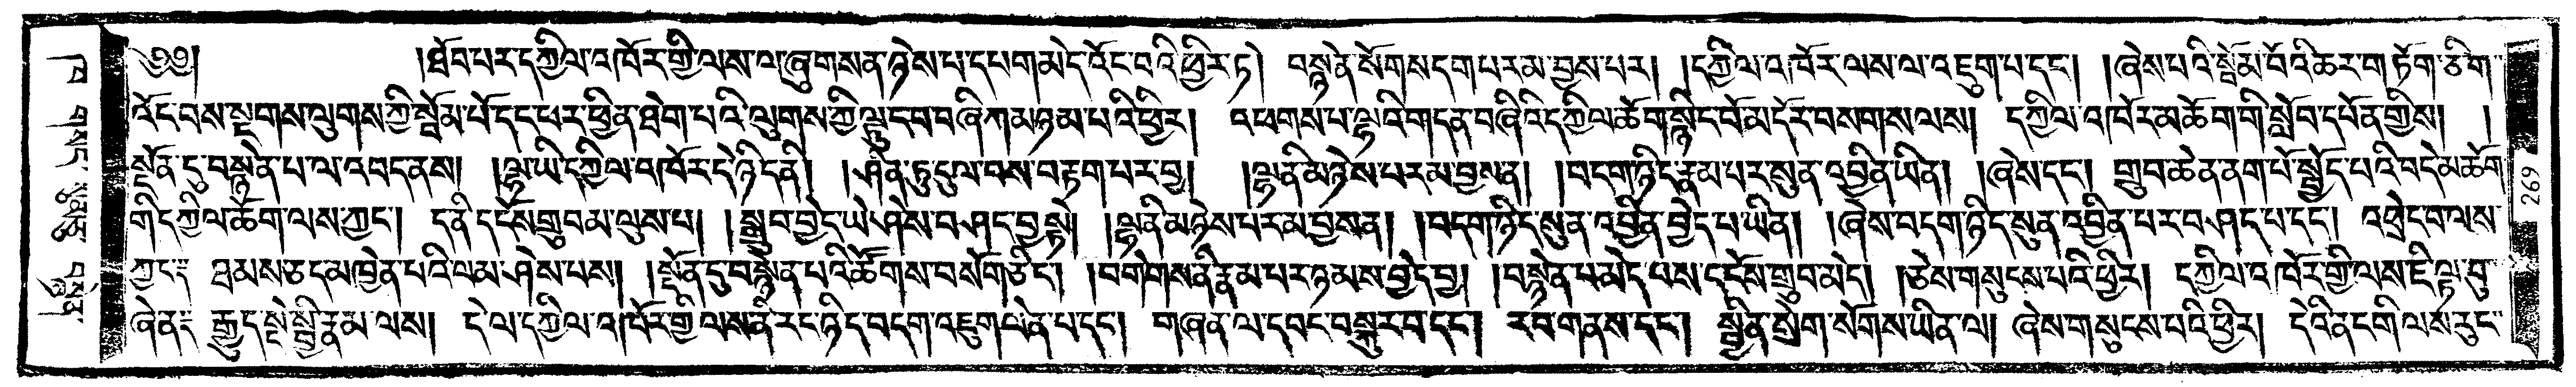༄༅། །ཐོབ་པར་དཀྱིལ་འཁོར་གྱི་ལས་ལ་ཞུགས་ན་ཉེས་པ་དཔག་མེད་འོང་བའི་ཕྱིར་ཏེ། བསྙེན་སོགས་དག་པར་མ་བྱས་པར། །དཀྱིལ་འཁོར་ལས་ལ་འཇུག་པ་དང་། །ཞེས་པའི་སྦོམ་བོའི་ཆར་གཏོག་ཅིག་
འོང་བས་སྔགས་ལུགས་ཀྱི་སྦོམ་པོ་དང་ཕར་ཕྱིན་ཐེག་པའི་ལུགས་ཀྱི་ལྟུང་བ་བཞི་ཀ་མཉམ་པའི་ཕྱིར། འཕགས་པ་ལྷའི་གདན་བཞིའི་དཀྱིལ་ཆོག་སྙིང་པོ་མདོར་བསགས་ལས། དཀྱིལ་འཁོར་མཆོག་གི་སློབ་དཔོན་གྱིས། །
སྔོན་དུ་བསྙེན་པ་ལ་འབད་ནས། །ལྷ་ཡི་དཀྱིལ་འཁོར་དེ་ཉིད་ནི། །ཤིན་ཏུ་དུལ་བས་བརྟག་པར་བྱ། །ལྷ་ནི་མཉེས་པར་མ་བྱས་ན། །བདག་ཉིད་རྣམ་པར་སུན་འབྱིན་ཡིན། །ཞེས་དང་། གྲུབ་ཆེན་ནག་པོ་སྤྱོད་པའི་བདེ་མཆོག་
གི་དཀྱིལ་ཆོག་ལས་ཀྱང་། ད་ནི་དངོས་གྲུབ་མ་ལུས་པ། །སྒྲུབ་བྱེད་ཡེ་ཤེས་བཤད་བྱ་སྟེ། །ལྷ་ནི་མཉེས་པར་མ་བྱས་ན། །བདག་ཉིད་སུན་འབྱིན་བྱེད་པ་ཡིན། །ཞེས་བདག་ཉིད་སུན་འབྱིན་པར་བཤད་པ་དང་། འཕྲེང་བ་ལས་
ཀྱང༑ ཐམས་ཅད་མཁྱེན་པའི་ལམ་ཤེས་པས། །སྔོན་དུ་བསྙེན་པའི་ཚོགས་བསོག་ཅིང་། །བགེགས་ནི་རྣམ་པར་ཉམས་བྱེད་བྱ། །བསྙེན་པ་མེད་པས་དངོས་གྲུབ་མེད། །ཅེས་གསུངས་པའི་ཕྱིར། དཀྱིལ་འཁོར་གྱི་ལས་ཇི་ལྟ་བུ་
ཞེ་ན༑ རྒྱུད་སྡེ་སྤྱི་རྣམ་ལས། དེ་ལ་དཀྱིལ་འཁོར་གྱི་ལས་ནི་རང་ཉིད་བདག་འཇུག་ལེན་པ་དང་། གཞན་ལ་དབང་བསྐུར་བ་དང་། རབ་གནས་དང་། སྦྱིན་སྲེག་སོགས་ཡིན་ལ། ཞེས་གསུངས་པའི་ཕྱིར། དེའི་ནང་གི་ལས་རུང་